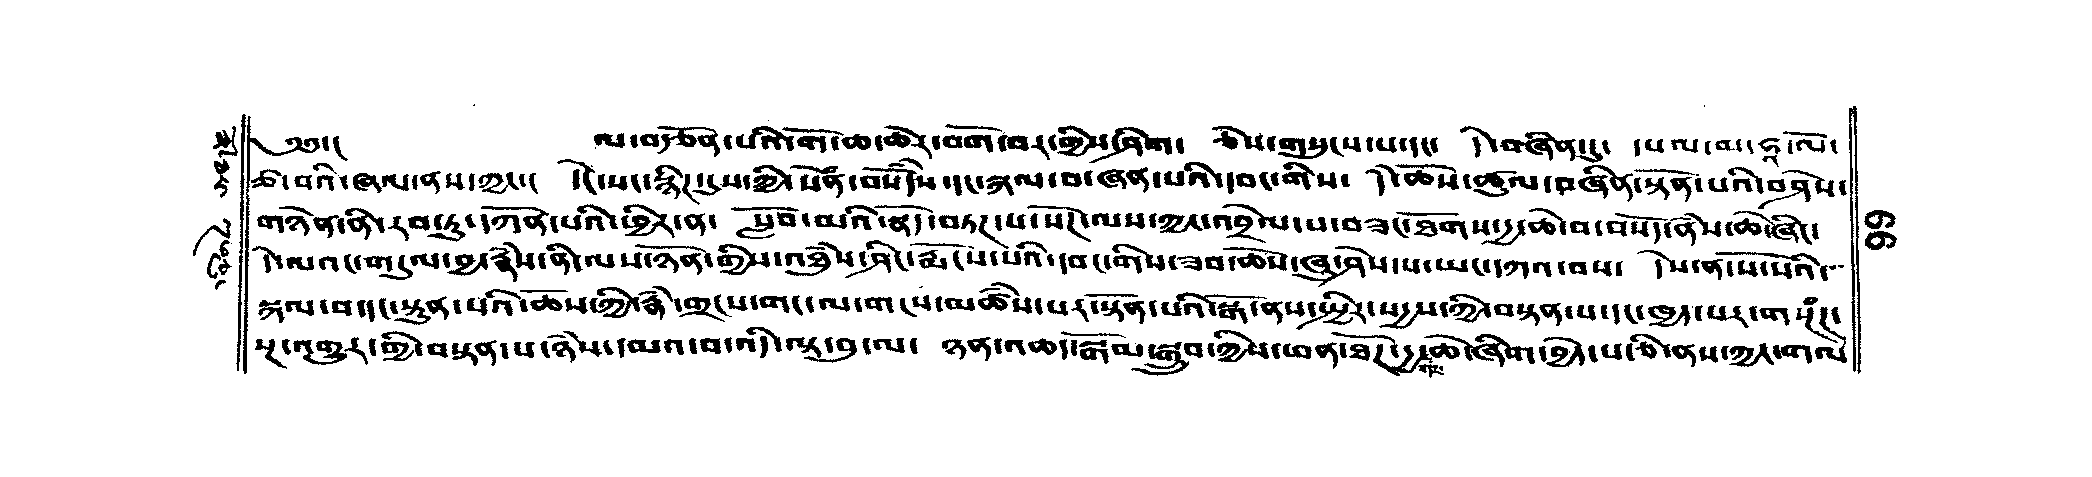ལ་བརྩོན་པའི་གོ་ཆ་ཆེར་བགོ་བར་གྱིས་ཤིག ཅེས་གསུངས་པ་དང་། དེ་བཞིན་དུ། དཔལ་མ་ཧཱ་ལོ་
ཙཱ་བའི་ཞལ་ནས་ཀྱང་། དེང་སང་སྙིགས་དུས་ཀྱི་སེམས་ཅན་བསོད་ནམས་དང་སྐལ་བ་ཞན་པའི་དབང་གིས། དམ་ཆོས་ཚུལ་བཞིན་སྟོན་པའི་བཤེས་
གཉེན་ནི་རབ་ཏུ་དཀོན་པའི་ཕྱིར་ན། སློབ་མའི་སྣོད་བརྟགས་པ་སོགས་ལས་ཀྱང་འབྲེལ་པ་བཟང་ཐོགས་རྒྱ་ཆེ་བ་བསོད་ནམས་ཆེ་ཞིང་
དེ་ལའང་གདུལ་བྱ་རྣམས་ནི་ལས་ཉོན་གྱིས་འཐུམས་ཤིང་རྨོངས་པའི་དབང་གིས་ཟབ་ཆོས་ཞུ་ཤེས་པ་ཡང་དཀའ་བས། དེས་ན་སོ་སོའི་
སྐལ་བ་དང་བསྟུན་པའི་ཆོས་ཀྱི་རྣམ་གྲངས་གང་ལ་གང་འཚམས་པར་སྟོན་པའི་སྒོ་ནས་སྤྱིར་སངས་རྒྱས་ཀྱི་བསྟན་པ་དང་ཁྱད་པར་གསང་སྔགས་
སྔ་འགྱུར་གྱི་བསྟན་པ་ཉམས་དམའ་བ་འདི་ལྟ་བུ་ལ། ཉན་འཆད་སྒོམ་སྒྲུབ་ཀྱིས་ཕན་ཐོགས་རྒྱ་གང་ཆེ་ཞིག་བྱེད་པ་ཅི་ནས་ཀྱང་གལ་